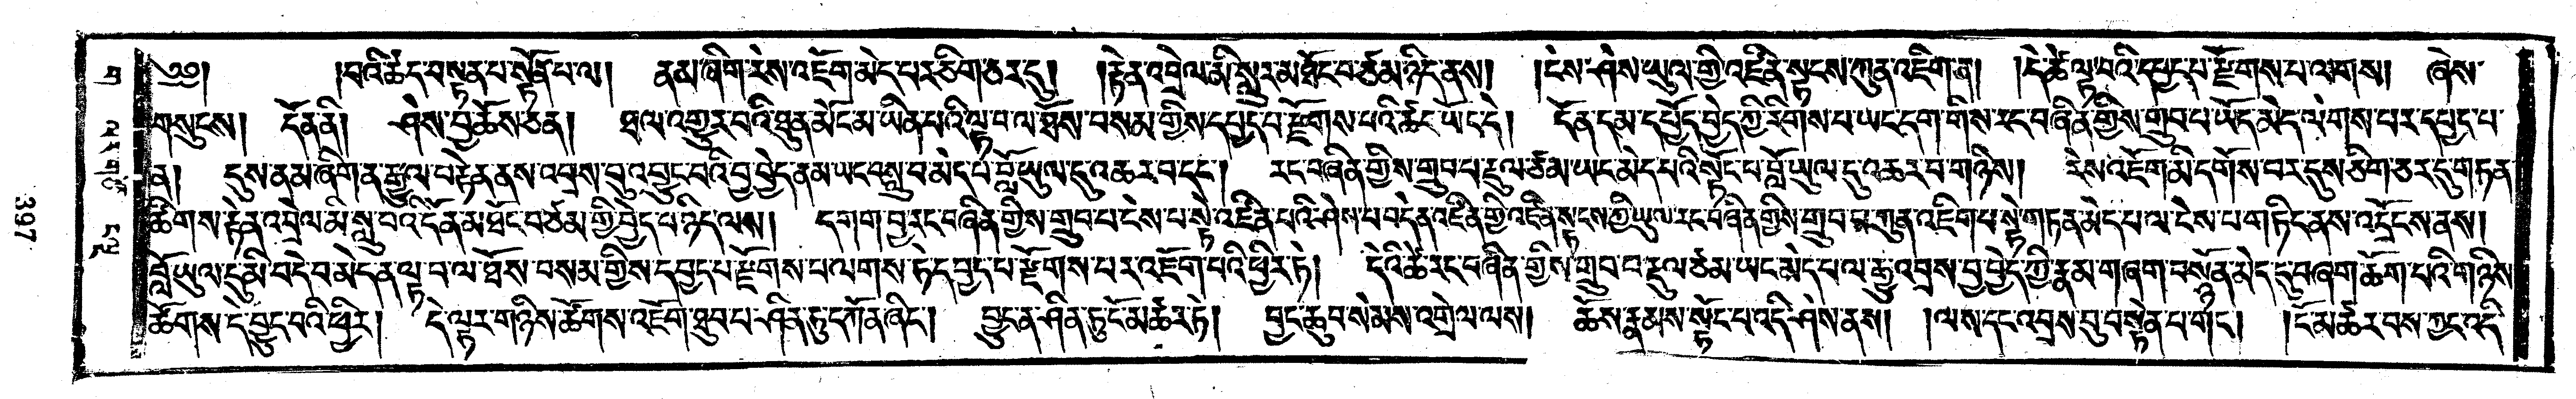༄༅། །བའི་ཚད་བསྟན་པ་སྟོན་པ་ལ། ནམ་ཞིག་རེས་འཇོག་མེད་པར་ཅིག་ཅར་དུ། །རྟེན་འབྲེལ་མི་སླུར་མཐོང་བ་ཙམ་ཉིད་ནས། །ངེས་ཤེས་ཡུལ་གྱི་འཛིན་སྟངས་ཀུན་འཇིག་ན། །དེ་ཚེ་ལྟ་བའི་དཔྱད་པ་རྫོགས་པ་ལགས། ཞེས་
གསུངས། དོན་ནི། ཤེས་བྱ་ཆོས་ཅན། ཐལ་འགྱུར་བའི་ཐུན་མོང་མ་ཡིན་པའི་ལྟ་བ་ལ་ཐོས་བསམ་གྱིས་དཔྱད་པ་རྫོགས་པའི་ཚང་ཡོད་དེ། དོན་དམ་དཔྱོད་བྱེད་ཀྱི་རིགས་པ་ཡང་དག་གིས་རང་བཞིན་གྱིས་གྲུབ་པ་ཡོད་མེད་ལེགས་པར་དཔྱད་པ་
ན། དུས་ནམ་ཞིག་ན་རྒྱུ་ལ་བརྟེན་ནས་འབྲས་བུ་འབྱུང་བའི་བྱ་བྱེད་ནམ་ཡང་བསླུ་བ་མེད་པ་བློ་ཡུལ་དུ་འཆར་བ་དང་། རང་བཞིན་གྱིས་གྲུབ་པ་རྡུལ་ཙམ་ཡང་མེད་པའི་སྟོང་པ་བློ་ཡུལ་དུ་འཆར་བ་གཉིས། རེས་འཇོག་མི་དགོས་པར་དུས་ཅིག་ཅར་དུ་གཏན་
ཚིགས་རྟེན་འབྲེལ་མི་སླུ་བའི་དོན་མཐོང་བ་ཙམ་གྱི་བྱེད་པ་གཉིས་ལས། དགག་བྱ་རང་བཞིན་གྱིས་གྲུབ་པ་ངེས་པ་སྟེ་འཛིན་པའི་ཤེས་པ་བདེན་འཛིན་གྱི་འཛིན་སྟངས་ཀྱི་ཡུལ་རང་བཞིན་གྱིས་གྲུབ་པ་ཀུན་འཇིག་པ་སྟེ་གཏན་མེད་པ་ལ་ངེས་པ་གཏིང་ནས་འདྲོངས་ནས།
བློ་ཡུལ་དུ་མི་བདེ་བ་མེད་ན་ལྟ་བ་ལ་ཐོས་བསམ་གྱིས་དཔྱད་པ་རྫོགས་པ་ལགས་ཏེ་དཔྱད་པ་རྫོགས་པར་འཇོག་པའི་ཕྱིར་ཏེ། དེའི་ཚེ་རང་བཞིན་གྱིས་གྲུབ་པ་རྡུལ་ཙམ་ཡང་མེད་པ་ལ་རྒྱུ་འབྲས་བྱ་བྱེད་ཀྱི་རྣམ་གཞག་བསྙོན་མེད་དུ་བཞག་ཆོག་པའི་གཉིས་
ཚོགས་དེ་བྱུང་བའི་ཕྱིར། དེ་ལྟར་གཉིས་ཚོགས་འཇོག་ཐུབ་པ་ཤིན་ཏུ་དཀོན་ཞིང་། བྱུང་ན་ཤིན་ཏུ་ངོ་མཚར་ཏེ། བྱང་ཆུབ་སེམས་འགྲེལ་ལས། ཆོས་རྣམས་སྟོང་པ་འདི་ཤེས་ནས། །ལས་དང་འབྲས་བུ་བསྟེན་པ་གང་། །ངོ་མཚར་བས་ཀྱང་འདི་